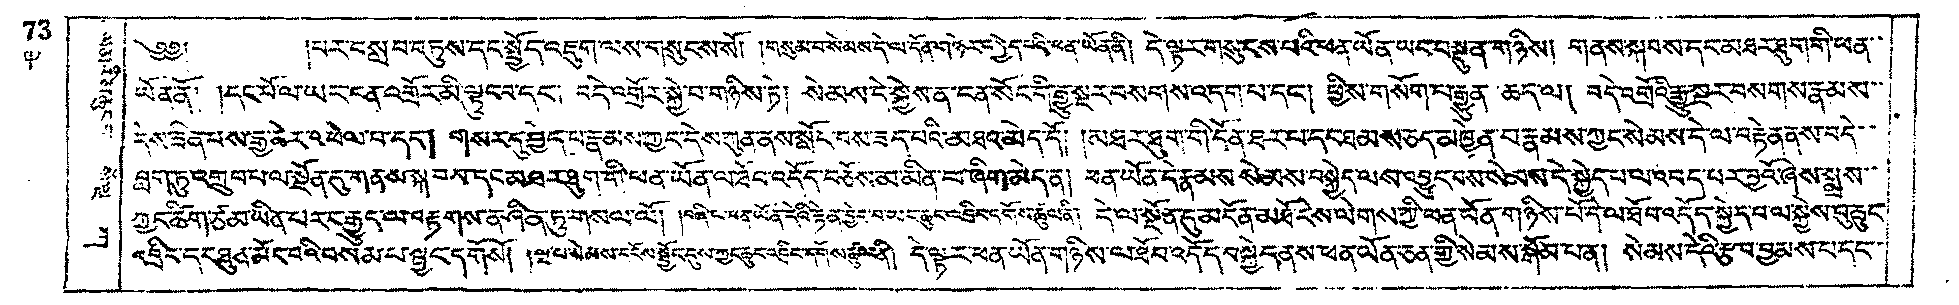༄༅། །པར་བསླབ་བཏུས་དང་སྤྱོད་འཇུག་ལས་གསུངས་སོ། །གསུམ་བ་སེམས་དེ་ལ་དོན་གཉེར་ཕྱེད་པའི་ཡོན་ནི། དེ་ལྟར་གསུངས་པའི་ཕན་ཡོན་ཡང་བསྡུ་ན་གཉིས། གནས་སྐབས་དང་མཐར་ཐུག་གི་ཕན་
ཡོན་ནོ། །དང་པོ་ལ་ཡང་ངན་འགྲོར་མི་ལྟུང་བ་དང་། བདེ་འགྲོར་སྐྱེ་བ་གཉིས་ཏེ། སེམས་དེ་སྐྱེས་ན་ངན་སོང་གི་རྒྱུ་སྔར་བསགས་འདག་པ་དང་། ཕྱིས་གསོག་པ་རྒྱུན་ཆད་ལ། བདེ་འགྲོའི་རྒྱུ་སྔར་བསགས་རྣམས་
དེས་ཟིན་པས་རྒྱ་ཆེར་འཕེལ་བ་དང་། གསར་དུ་བྱེད་པ་རྣམས་ཀྱང་དེས་ཀུན་ནས་སློང་བས་ཟད་པའི་མཐའ་མེད་དོ། །མཐར་ཐུག་གི་དོན་ཐར་པ་དང་ཐམས་ཅད་མཁྱེན་པ་རྣམས་ཀྱང་སེམས་དེ་ལ་བརྟེན་ནས་བདེ་
བླག་ཏུ་འགྲུབ་པ་ལ་སྔོན་དུ་གནས་སྐབས་དང་མཐར་ཐུག་གི་ཕན་ཡོན་ལ་ཐོབ་འདོད་བཅོས་མ་མིན་པ་ཞིག་མེད་ན། ཕན་ཡོན་དེ་རྣམས་སེམས་བསྐྱེད་ལས་འབྱུང་བས་སེམས་དེ་སྐྱེད་པ་ལ་འབད་པར་བྱའོ་ཞེས་སྨྲས་
ཀྱང་ཚིག་ཙམ་ཡིན་པ་རང་རྒྱུད་ལ་བརྟགས་ན་ཤིན་ཏུ་གསལ་ལོ། ། བཞི་པ་ཕན་ཡོན་དེའི་རྟེན་བྱེད་པ་ཡང་ཆུང་འབྲིང་དགོས་ཚུལ་ནི། དེ་ལ་སྔོན་དུ་མངོན་མཐོ་ངེས་ལེགས་ཀྱི་ཕན་ཡོན་གཉིས་པོ་དེ་ལ་ཐོབ་འདོད་སྐྱེད་པ་ལ་སྐྱེས་བུ་ཆུང་
འབྲིང་དང་ཐུན་མོང་བཞི་བསམ་པ་སྤྱང་དགོས་སོ། །ལྔ་པ་སེམས་དངོས་སྤྱོང་དུས་ཀྱང་ཆུང་འབྲིང་དགོས་ཚུལ་ནི། དེ་ལྟར་ཕན་ཡོན་གཉིས་ལ་ཐོབ་འདོད་བསྐྱེད་ནས་ཕན་ལོན་ཅན་གྱི་སེམས་སྒོམ་པ་ན། སེམས་དེའི་རྩབ་བྱམས་པ་དང་